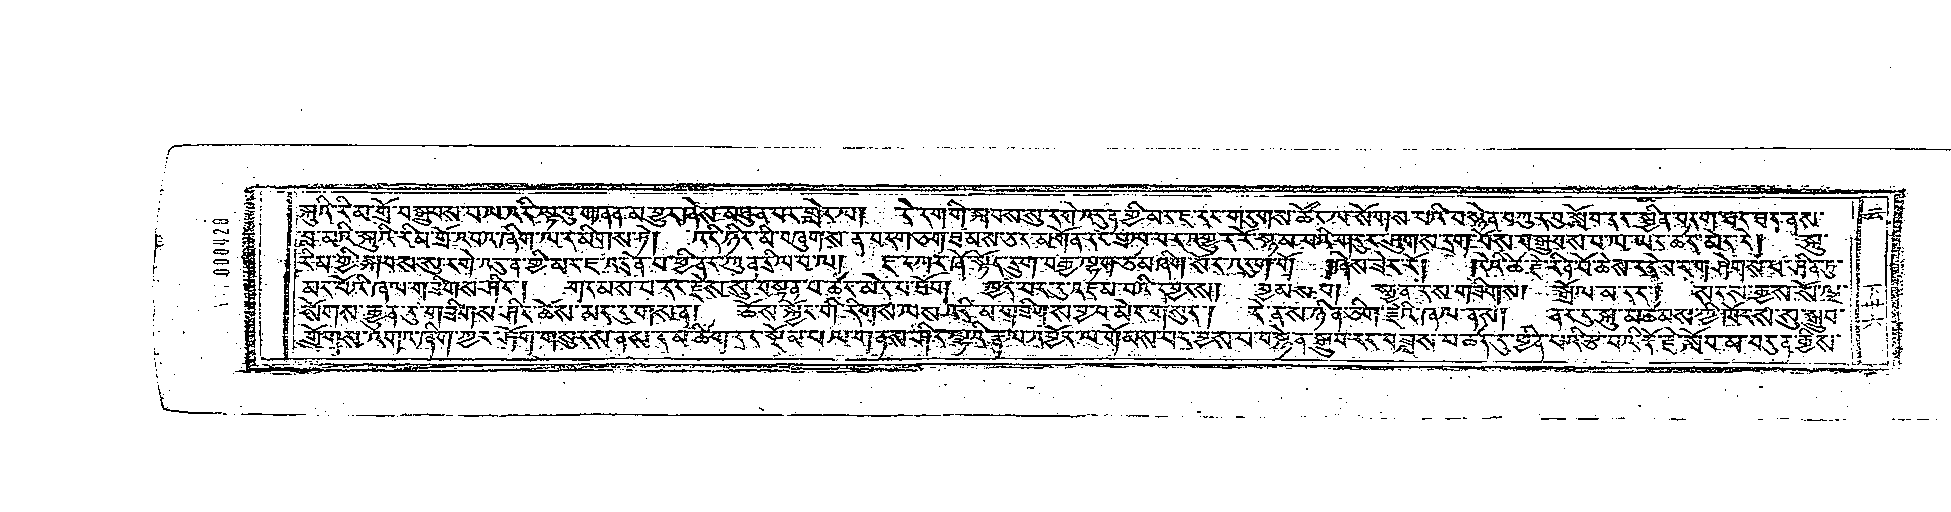སྐུའི་རིམ་གྲོ་བསྒྲུབས་བ་ལ་འདི་ལྟ་བུ་གཞན་མ་བྱུང་ཞེས་མཐུན་པར་གླེང་ལ། དེ་དག་གི་སྐབས་སུ་དགེ་འདུན་གྱི་མར་ཇ་དང་གདུགས་ཚོང་ལ་སོགས་པའི་བསྙེན་བཀུར་བུ་སློབ་དད་སྦྱིན་བདག་ཐད་ཐད་ནས་
བླ་མའི་སྐུའི་རིམ་གྲོ་འབའ་ཞིག་ལ་དམིགས་ཏེ། འདི་ཉིད་མི་བཞུགས་ན་བདག་ཅག་ཐམས་ཅད་མགོན་དང་བྲལ་བར་འགྱུར་རོ་སྙམ་པའི་གདུང་ཤུགས་དྲག་བོས་བསྒྲུབས་པ་ལ་ཡང་ཆད་མེད་དེ། སྐུ་
རིམ་གྱི་སྐབས་སུ་དགེ་འདུན་གྱི་མང་ཇ་འདྲེན་པ་ཕྱི་ནང་ཀུན་དྲིལ་བ་ལ། ཇ་དཀར་ཞོ་སྟོད་དྲུག་བརྒྱ་ལྟག་ཙམ་ཞིག་སོང་འདུག་གོ །ཞེས་ཟེར་རོ། །དེའི་ཚེ་རྗེ་རིན་པོ་ཆེས་བདེ་བར་གཤེགས་ཤིན་ཏུ་
མང་པོའི་ཞལ་གཟིགས་ཤིང་། གདམས་པ་དང་རྗེས་སུ་བསྟན་པ་ཚང་མེད་པ་ཐོབ། ཁྱད་པར་དུ་འཇམ་པའི་དབྱངས། བྱམས་པ། སྤྱན་རས་གཟིགས། སྒྲོལ་མ་དང་། སངས་རྒྱས་སོ་ལྔ་
སོགས་རྒྱུན་དུ་གཟིགས་ཤིང་ཚོས་མང་དུ་གསན། ཆོས་སྐྱོང་གི་རིགས་ལས་འདི་མ་གཟིགས་བྱ་བ་མེད་གསུང་། དེ་ནས་ཉིན་ཅིག་རྗེའི་ཞལ་ནས། ནང་དུ་སྐུ་མཚམས་ཀྱི་ཁོངས་སུ་སྒྲུབ་
གྲོགས་འགའ་ཞིག་ཀྱང་ཤོག་གསུངས་ནས་དམ་ཚིག་དང་སྡོམ་པ་ལ་གནས་ཤིང་ལྷའི་རྣལ་འབྱོར་ལ་གོམས་པར་བྱས་པ་བསྙེན་སྒྲུབ་རང་བཟླས་པ་ཚད་དུ་ཕྱིན་པའི་རྩ་བའི་རྡོ་རྗེ་སློབ་མ་བདུན་གྱིས་